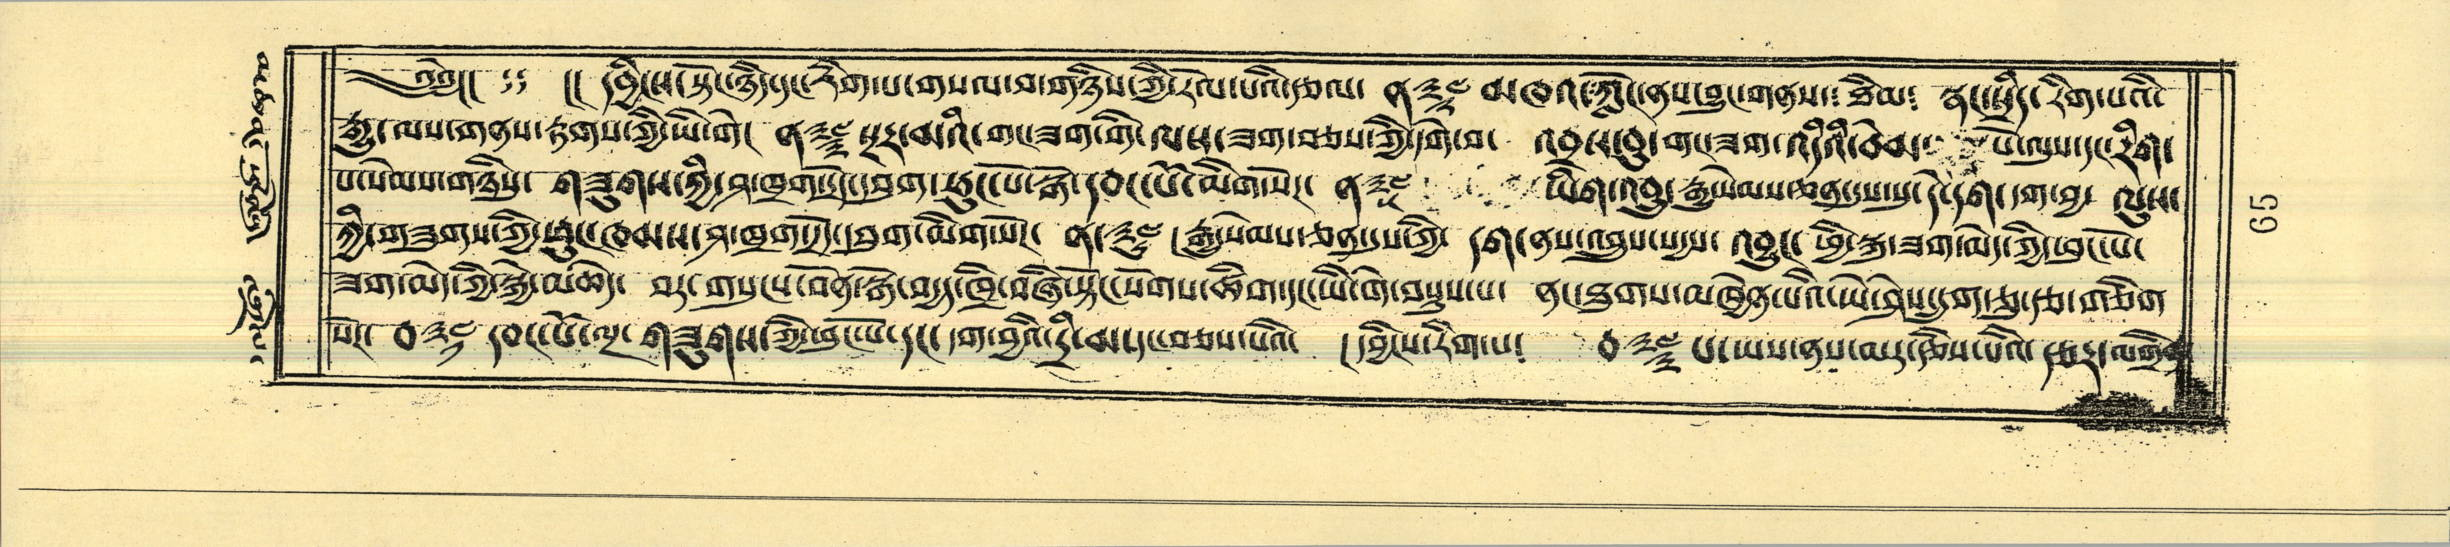༼དབྱིངས༽སྟོང་ཉིད་དང་རིག་པ་གསལ་བ་གཉིས་ཀྱི་རོལ་པའི་རྩལ་ན༣༤།༢༼མཁའ་ཀློང༽ནས་བྱུང་གནས་ཐིམ་༼སྣང་སྲིད༽རིག་པའི་
༼རྒྱུ༽ལས་གནས་རྟགས་ཀྱི་ཡི་གེ་ན༣༤།༣༼སྔར་མའི༽གང་ཟག་གི་༼ལས༽ཟག་བཅས་ཀྱི་དགེ་བ་༼འབྲས་བུ༽གང་ཟག་༼འདིའི་བེམ༽པོ་ལུས་དང་༼རིག༽
པ་སེམས་གཉིས་སུ་༼གཟུགས་ཀྱི༽ཤ་ཁྲག་དྲོད་དབུགས་༼ཕུང་༽པོ་སྒོ་ ༼དབང་པོ༽མིག་སོགས་ན༣༤།༥ ༼ཡིག་འབྲུ༽རྒྱུ་སེམས་ཅན་དུས་སུ་ ༼དེ་དག༽དག་བྱ་ ༼ལུས་
ཀྱི༽གཟུགས་ཀྱི་༼ཕུང་ཁམས༽ཤ་ཁྲག་དྲོད་དབུགས་མིག་སོགས་ན༣༤།༦ རྒྱུ་སེམས་ཅན་དུས་ཀྱི་ ༼དག༽ནས་འབྲས་བུ་སངས་རྒྱས་༼འབྱུང་༽ཕྱི་སྐུ་ཟག་མེད་ཕུང་པོ། 
ཟག་མེད་ཀྱི་སྐྱེ་མཆེད། བར་གསུང་བོན་སྒོ་བརྒྱད་ཁྲི་བཞི་སྟོང་སོགས་ཚིག་དང་ཡི་གེས་བསྡུས་པ་ནང་ཐུགས་མཁྱེན་པའི་ཡེ་ཤེས་དྲུག་ཅུ་རྩ་གཅིག་
སོགས་བ༣༤།༡༼དབང་པོ༽ལྔ་༼གཟུགས༽ཀྱི་ཕུང་པོ་༼དང༽དག་བྱའི་༼དྲི་མ༽དང་བཅས་པའི་དབྱིངས་རིག་པ་བ༣༤།༣ ཡས་ནས་མར་རྩིས་པའི་༼རྩར༽མགྲིན་